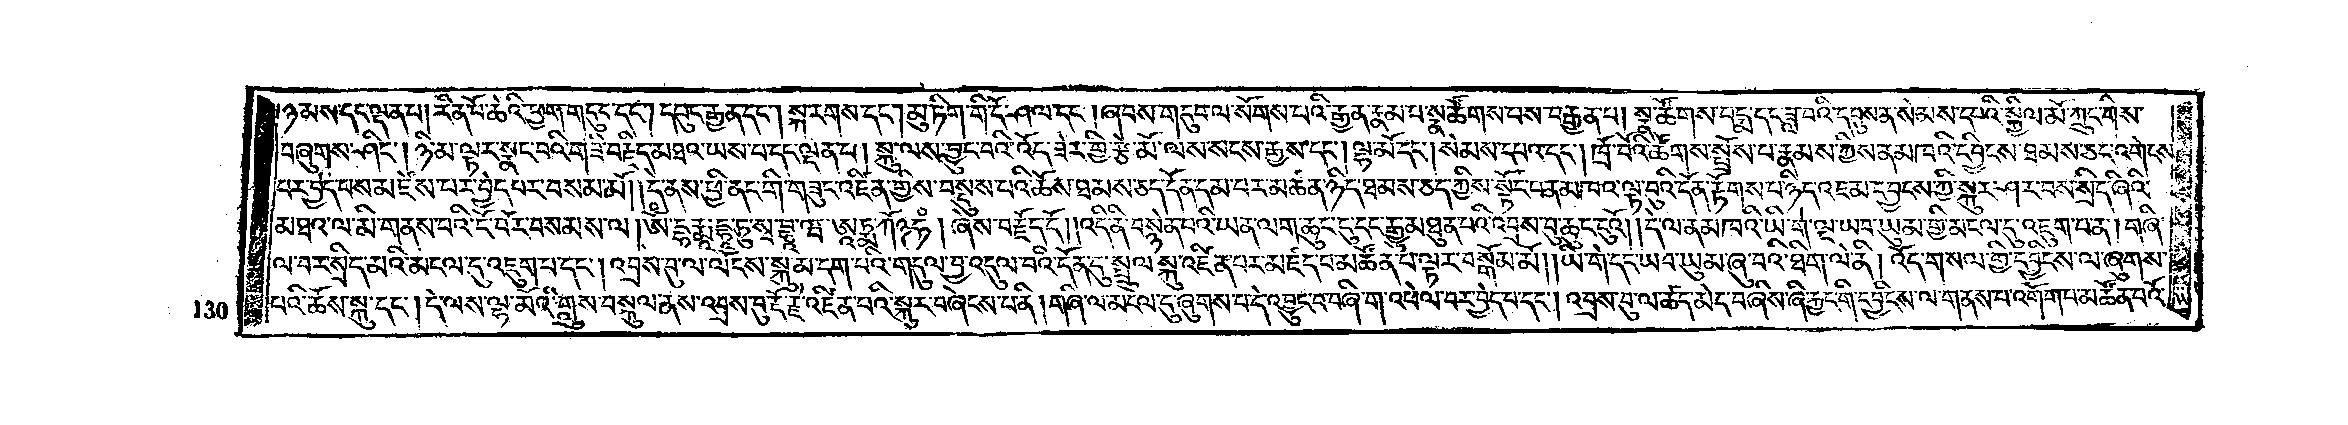ཉམས་དང་ལྡན་པ། རིན་པོ་ཆེའི་ཕྱག་གདུང་དང་། དཔུང་རྒྱན་དང་། སྐ་རགས་དང་། མུ་ཏིག་གི་དོ་ཤལ་དང་། ཞབས་གདུབ་ལ་སོགས་པའི་རྒྱན་རྣམ་པ་སྣ་ཚོགས་པས་བརྒྱན་པ། སྣ་ཚོགས་པདམ་དང་ཟླ་བའི་དབུས་ན་སེམས་དཔའི་སྐྱིལ་མོ་ཀྲུང་གིས་
བཞུགས་ཤིང་། ཉི་མ་ལྟར་སྣང་བའི་གཟི་བརྗིད་མཐའ་ཡས་པ་དང་ལྡན་པ། སྐུ་ལས་བྱུང་བའི་འོད་ཟེར་གྱི་རྩེ་མོ་ལས་སངས་རྒྱས་དང་། ལྷ་མོ་དང་། སེམས་དཔའ་དང་། ཁྲོ་བོའི་ཚོགས་སྤྲོས་པ་རྣམས་ཀྱིས་ནམ་མཁའི་དབྱིངས་ཐམས་ཅད་འགེངས་
པར་བྱེད་པས་མཛེས་པར་བྱེད་པར་བསམ་མོ། །དེ་ནས་ཕྱི་ནང་གི་གཟུང་འཛིན་གྱིས་བསྡུས་པའི་ཆོས་ཐམས་ཅད་དོན་དམ་པར་མཚན་ཉིད་ཐམས་ཅད་ཀྱིས་སྟོང་པ་ནམ་མཁའ་ལྟ་བུའི་དོན་རྟོགས་པ་ཉིད་འཇམ་དབྱངས་ཀྱི་སྐུར་ཤར་བས་སྲིད་ཞིའི་
མཐའ་ལ་མི་གནས་པའི་ངོ་བོར་བསམས་ལ། ཨོཾ་དྷརྨཱ་དྷཱ་ཏུ་སྭ་བྷཱ་ཝ་ཨཱཏྨ་ཀོཉཧཾ། ཞེས་བརྗོད་དོ། །འདི་ནི་བསྙེན་པའི་ཡན་ལག་ཆུང་ངུ་དང་རྒྱུ་མཐུན་པའི་འབྲས་བུ་ཆུང་ངུའོ། །དེ་ལ་ནམ་མཁའི་ཡི་གེ་ལྔ་ཡབ་ཡུམ་གྱི་མངལ་དུ་འཇུག་པ་ན། གཞི་
ལ་བར་སྲིད་མའི་མངལ་དུ་འཇུག་པ་དང་། འབྲས་བུ་ལ་ལོངས་སྐུ་མ་དག་པའི་གདུལ་བྱ་འདུལ་བའི་དོན་དུ་སྤྲུལ་སྐུ་འཛིན་པར་མཛད་པ་མཚོན་པ་ལྟར་བསྒོམ་མོ། །ཡི་གེ་དང་ཡབ་ཡུམ་ཞུ་བའི་ཐིག་ལེ་ནི། འོད་གསལ་གྱི་དབྱིངས་ལ་ཞུགས་
པའི་ཆོས་སྐུ་དང་། དེ་ལས་ལྷ་མོའི་གླུས་བསྐུལ་ནས་འབྲས་བུ་རྡོ་རྗེ་འཛིན་པའི་སྐུར་བཞེངས་པ་ནི། གཞི་ལ་མངལ་དུ་ཞུགས་པ་དེ་འབྱུང་བ་བཞི་ག་འཕེལ་བར་བྱེད་པ་དང་། འབྲས་བུ་ལ་ཚད་མེད་བཞིས་ཞི་རྐྱང་གི་དབྱིངས་ལ་གནས་པ་འགོག་པ་མཚོན་པའོ། །